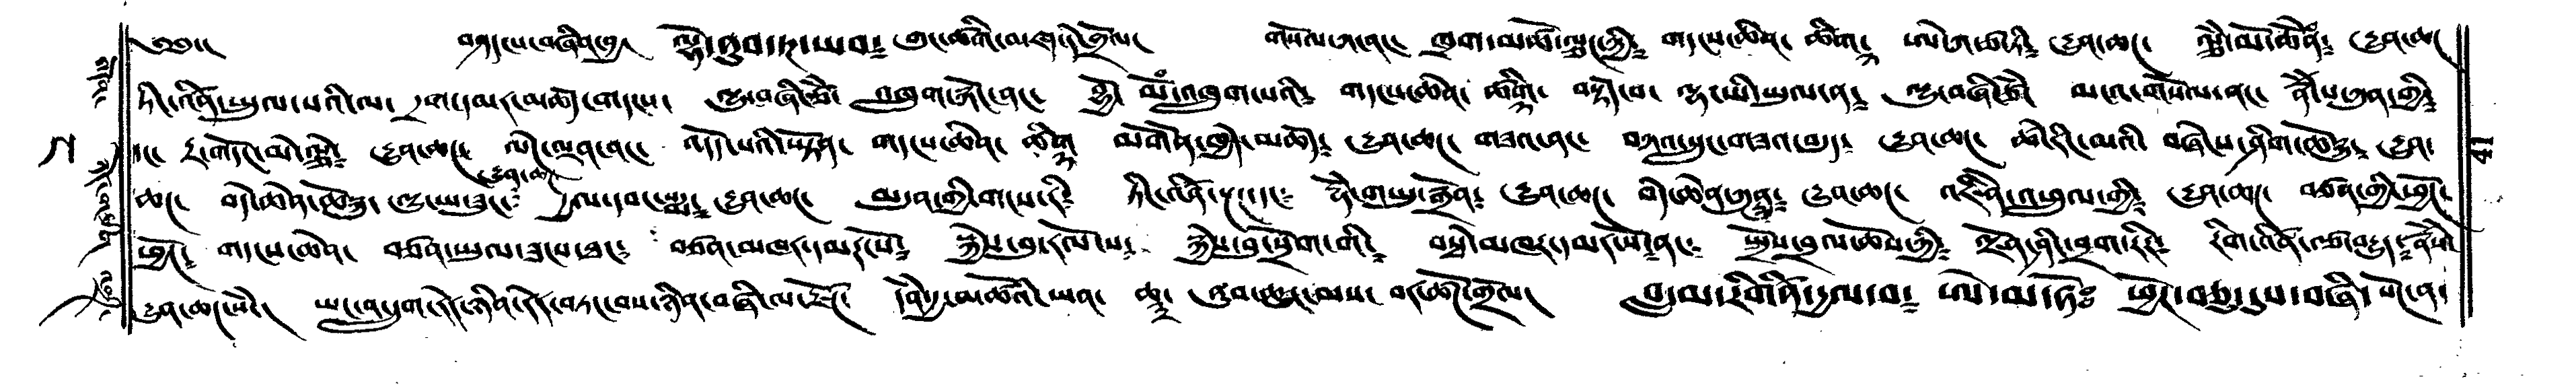བཤད་པ་བཞིན་བྱ། ལྷོ་ནུབ་རྔ་ཡབ༴ གུང་ཚིགས་མཛད་དེ་གྲོལ། གསོལ་ཀ་ནང་། ཁྲག་མཚོ་ལྕགས་ཀྱི༴ གདངས་ཆེན། ཚིག་གཉིས། ཨེ་ཀ་ཙཊི༴ རྒྱུན་ཆགས། ལྕམ་མོ་ཆེན་མོའམ་༴རྒྱུན་ཆགས་
ཏིང་འཛིན་སྤྲུལ་པའི༴ དྲག་དམར་མཆོད་གདངས། ལྷུ་བཞི་ཙམ། འཁྲུགས་སྐོང་ནང་། བྷྱོཿ མ་མོ་འཁྲུགས་པའི༴ གདངས་ཆེན། ཚིག་གཉིས། བསྟོད་པ། ལྷ་ཡི་ཡུལ་ན༴ ལྷུ་བཞི་ཙམ། མངའ་གསོལ་ནང་། རྣམ་པ་ཀུན་གྱི༴ 
དང་། རྟ་གདོང་མེ་ལྕེ༴ རྒྱུན་ཆགས། ལེགས་ལྡན་ནང་། འདོད་པའི་ཡོན་ཏན༴ གདངས་ཆེན། ཚིག་གཉིས། མགོན་པོ་ཁྱེད་མཆོད༴ རྒྱུན་ཆགས། གཟའ་ནང་། བཀའ་སྲུང་གཟའ་བདུད༴ རྒྱུན་
ཆགས། ཚེ་རིང་མའི། བཞེངས་ཤིག་ཆོས་སྐུ༴ རྒྱུན་ཆགས། བདེ་ཆེན་ཆོས་སྐུ་ལྟ་བུ་ལྷུུ་ཡ་ཟུང་། རྒྱུན་ཆགས། རྒྱལ་དབང་པདྨ༴ རྒྱུན་ཆགས། མདུན་དུ་གངས་རི༴ ཏིང་འཛིན་སྔགས་དང༴ རྡོ་རྗེ་གཡུ་སྒྲོན༴ རྒྱུན་ཆགས། བདེ་ཆེན་ཀུན་ཏུ༴ རྒྱུན་ཆགས། འཇིག་རྟེན་འཕྲུལ་གྱི༴ རྒྱུན་ཆགས། བཙན་གྱི། ཕྱོགས་
ཕྱོགས༴ གདངས་ཆེན། བཙན་ཡུལ་ཟངས་ཐང༴ བཙན་མཁར་དམར་པོ༴ སྐྱེས་བུ་རོལ་པ༴ སྐྱེས་བུ་སྲོག་གི༴ བསྭེ་མཁར་དམར་པོ་ནང༴ སྤྲོས་བྲལ་ཆོས་ཀྱི༴ ལྗོན་ཤིང་བྲག་རིར༴ རིག་འཛིན་རྩ་བརྒྱུད༴ རྣམས་
རྒྱུན་ཆགས་སམ། ཡང་ན་དྲུག་རེར་ཉིན་རེར་བཏང་བས་ཉིན་བཞི་ལ་རྫོགས། དམ་ཅན་རྒྱ་མཚོའི་ཡན། ཆ་གསུམ། ནུབ་ཆུང་མས་བར་ཚོགས་གྲོལ། བླ་མ་རིག་འཛིན་རྒྱལ་བ༴ ཨེ་མ་ཧོཿ ཕྱོགས་བཅུ་དུས་བཞི། སོགས་ན་